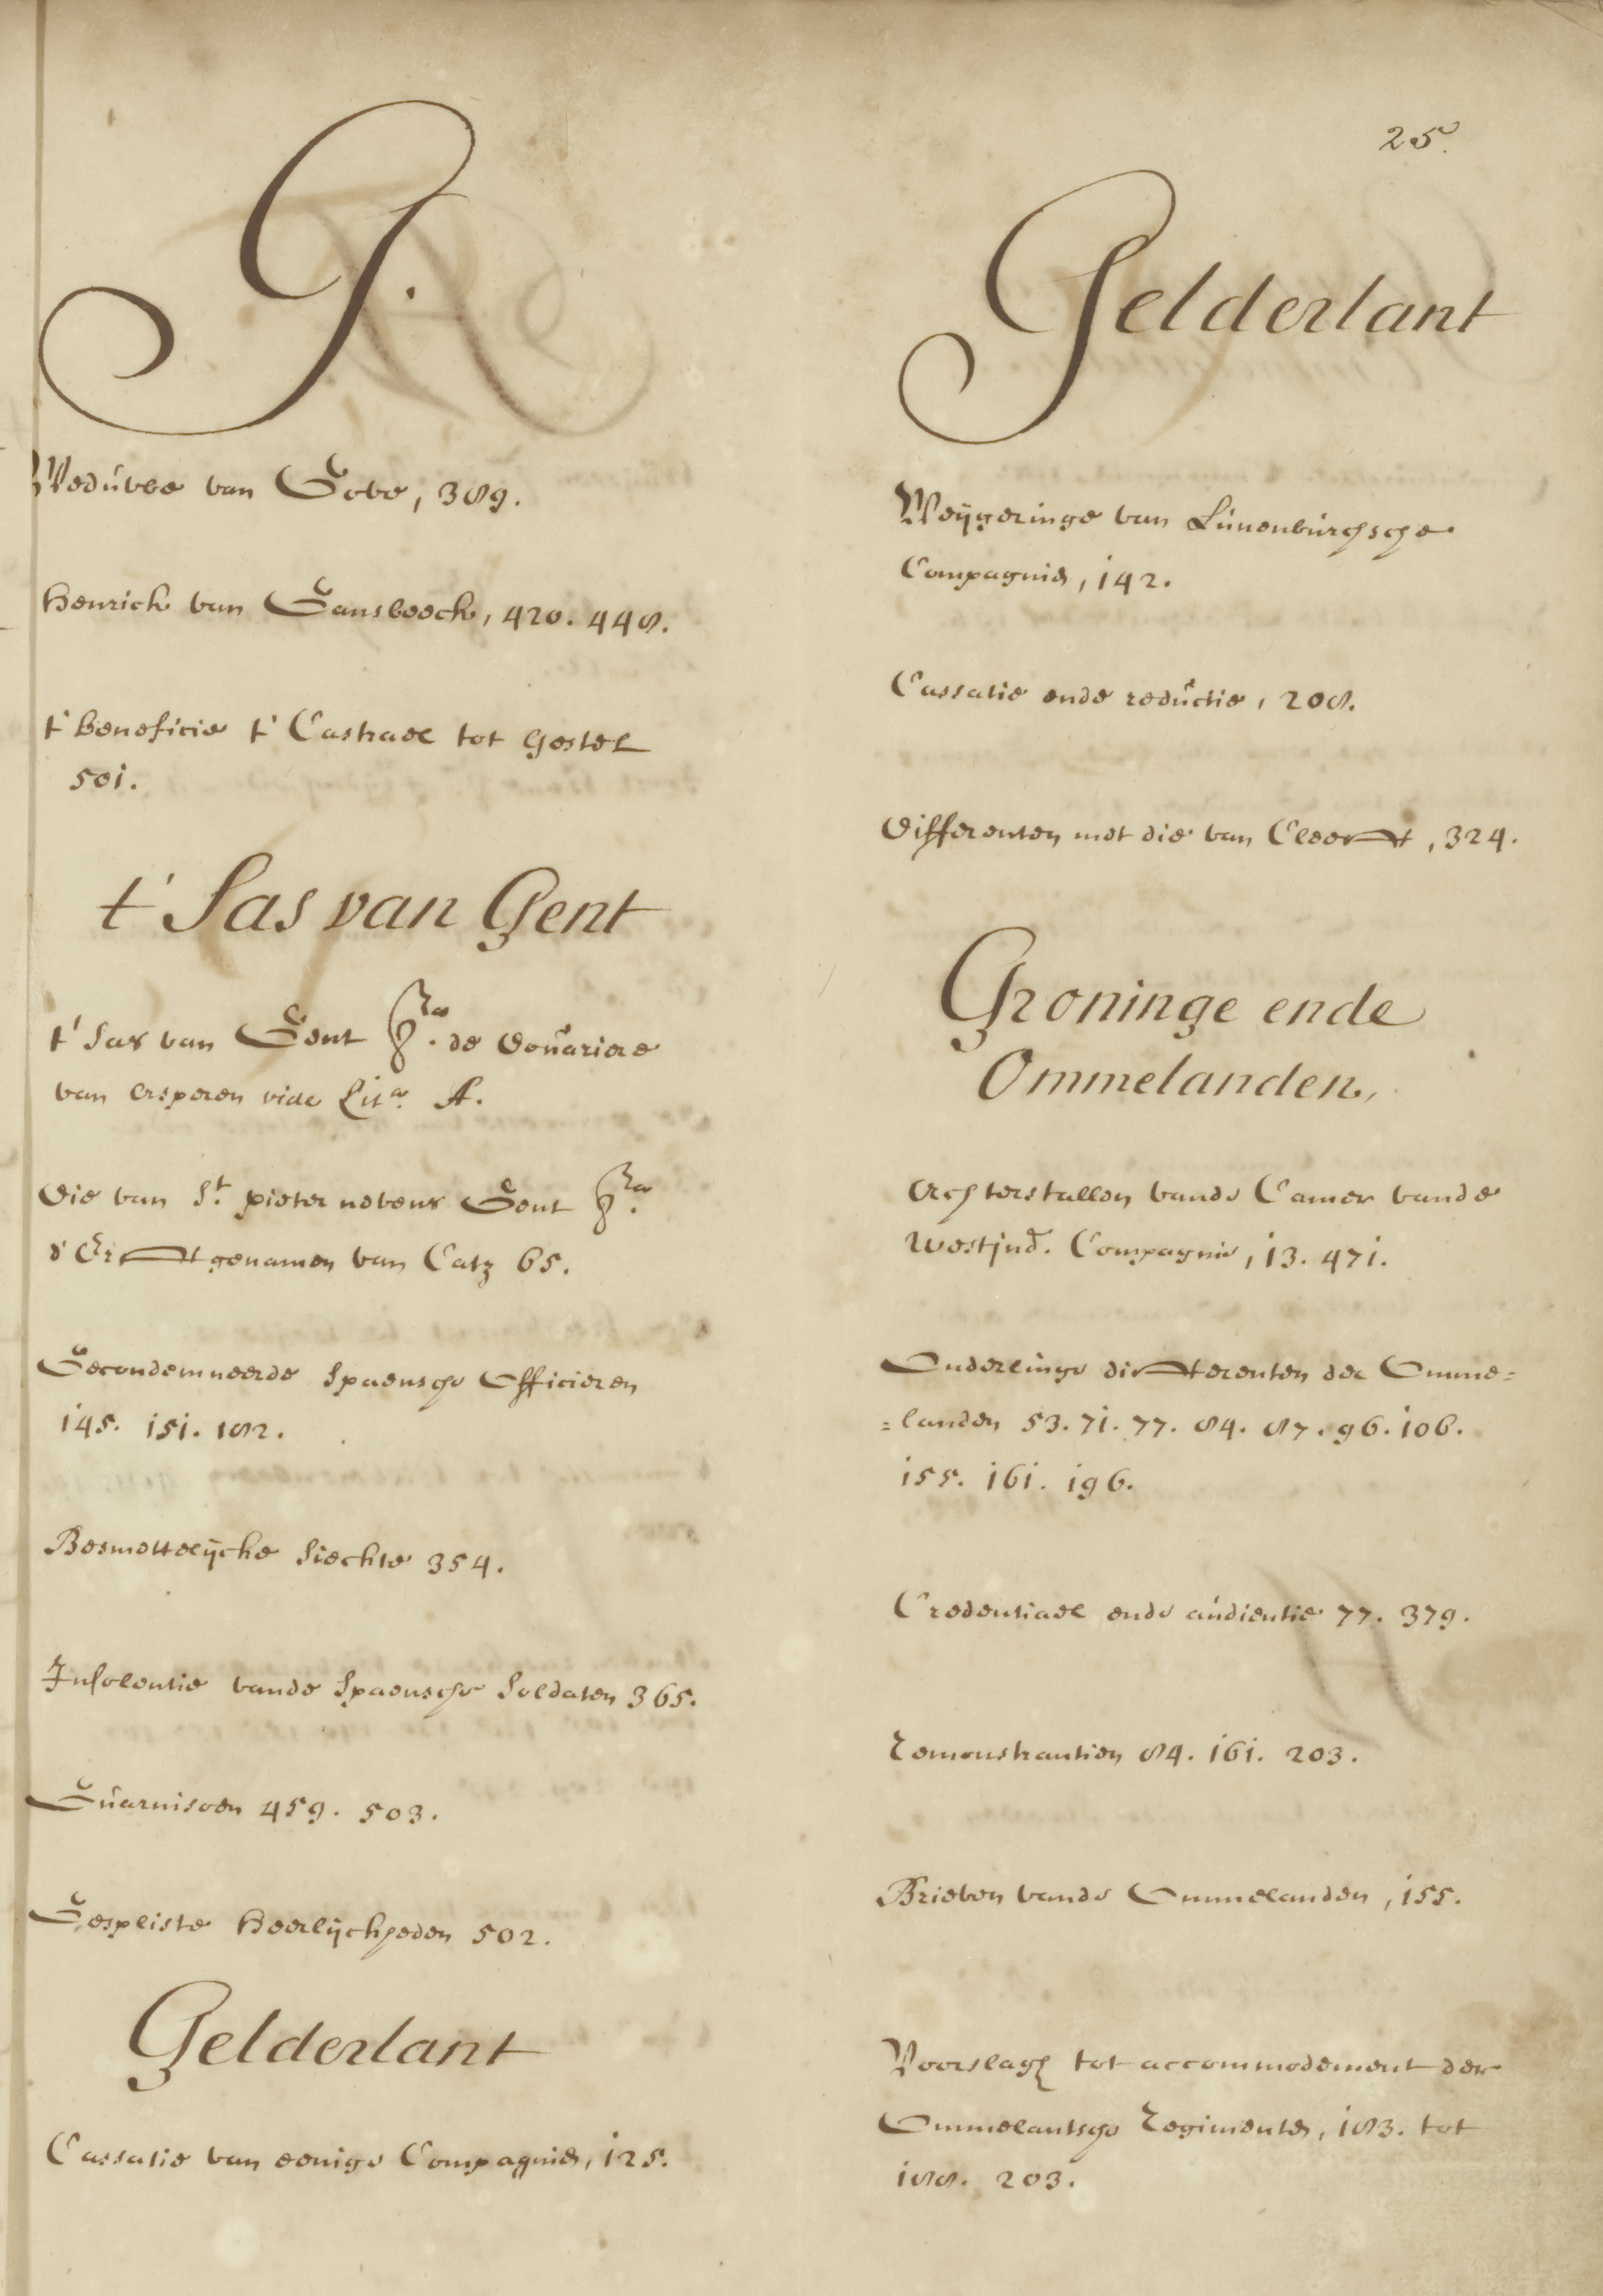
G
Weduwe van Gobe, 389.
Henrick van Gansbeeck, 420. 448.
t' beneficie t' Castrael tot Gestel
501.
t' Sas van Gent
t' Sas van Gent ca. de Douariere
van Asperen vide Lita. A.
Die van St. Pieter nevens Gent ca.
d'Erffgenamen van Catz 65.
Gecondemneerde Spaensche Officieren
145. 151. 182.
Besmettelijcke Sieckte 354.
Insolentie vande Spaensche Soldaten 365.
Guarnisoen 459. 503.
Gespliste Heerlijckheden 502.
Gelderlant
Cassatie van eenige Compagnien, 125.
Gelderlant
Weijgeringe van Lunenburchsche
Compagnien, 142.
Cassatie ende reductie, 208.
Differenten met die van Cleeff, 324.
Groninge ende
Ommelanden,
Achterstallen vande Camer vande
Westind. Compagnie, 13. 471.
Onderlinge differenten der Omme„
„landen 53. 71. 77. 84. 87. 96. 106.
155. 161. 196.
Credentiael ende audientie 77. 379.
remonstrantien 84. 161. 203.
Brieven vande Ommelanden, 155.
Voorslagh tot accommodement der
Ommelantsche regimenten, 183. tot
188. 203.
25.
